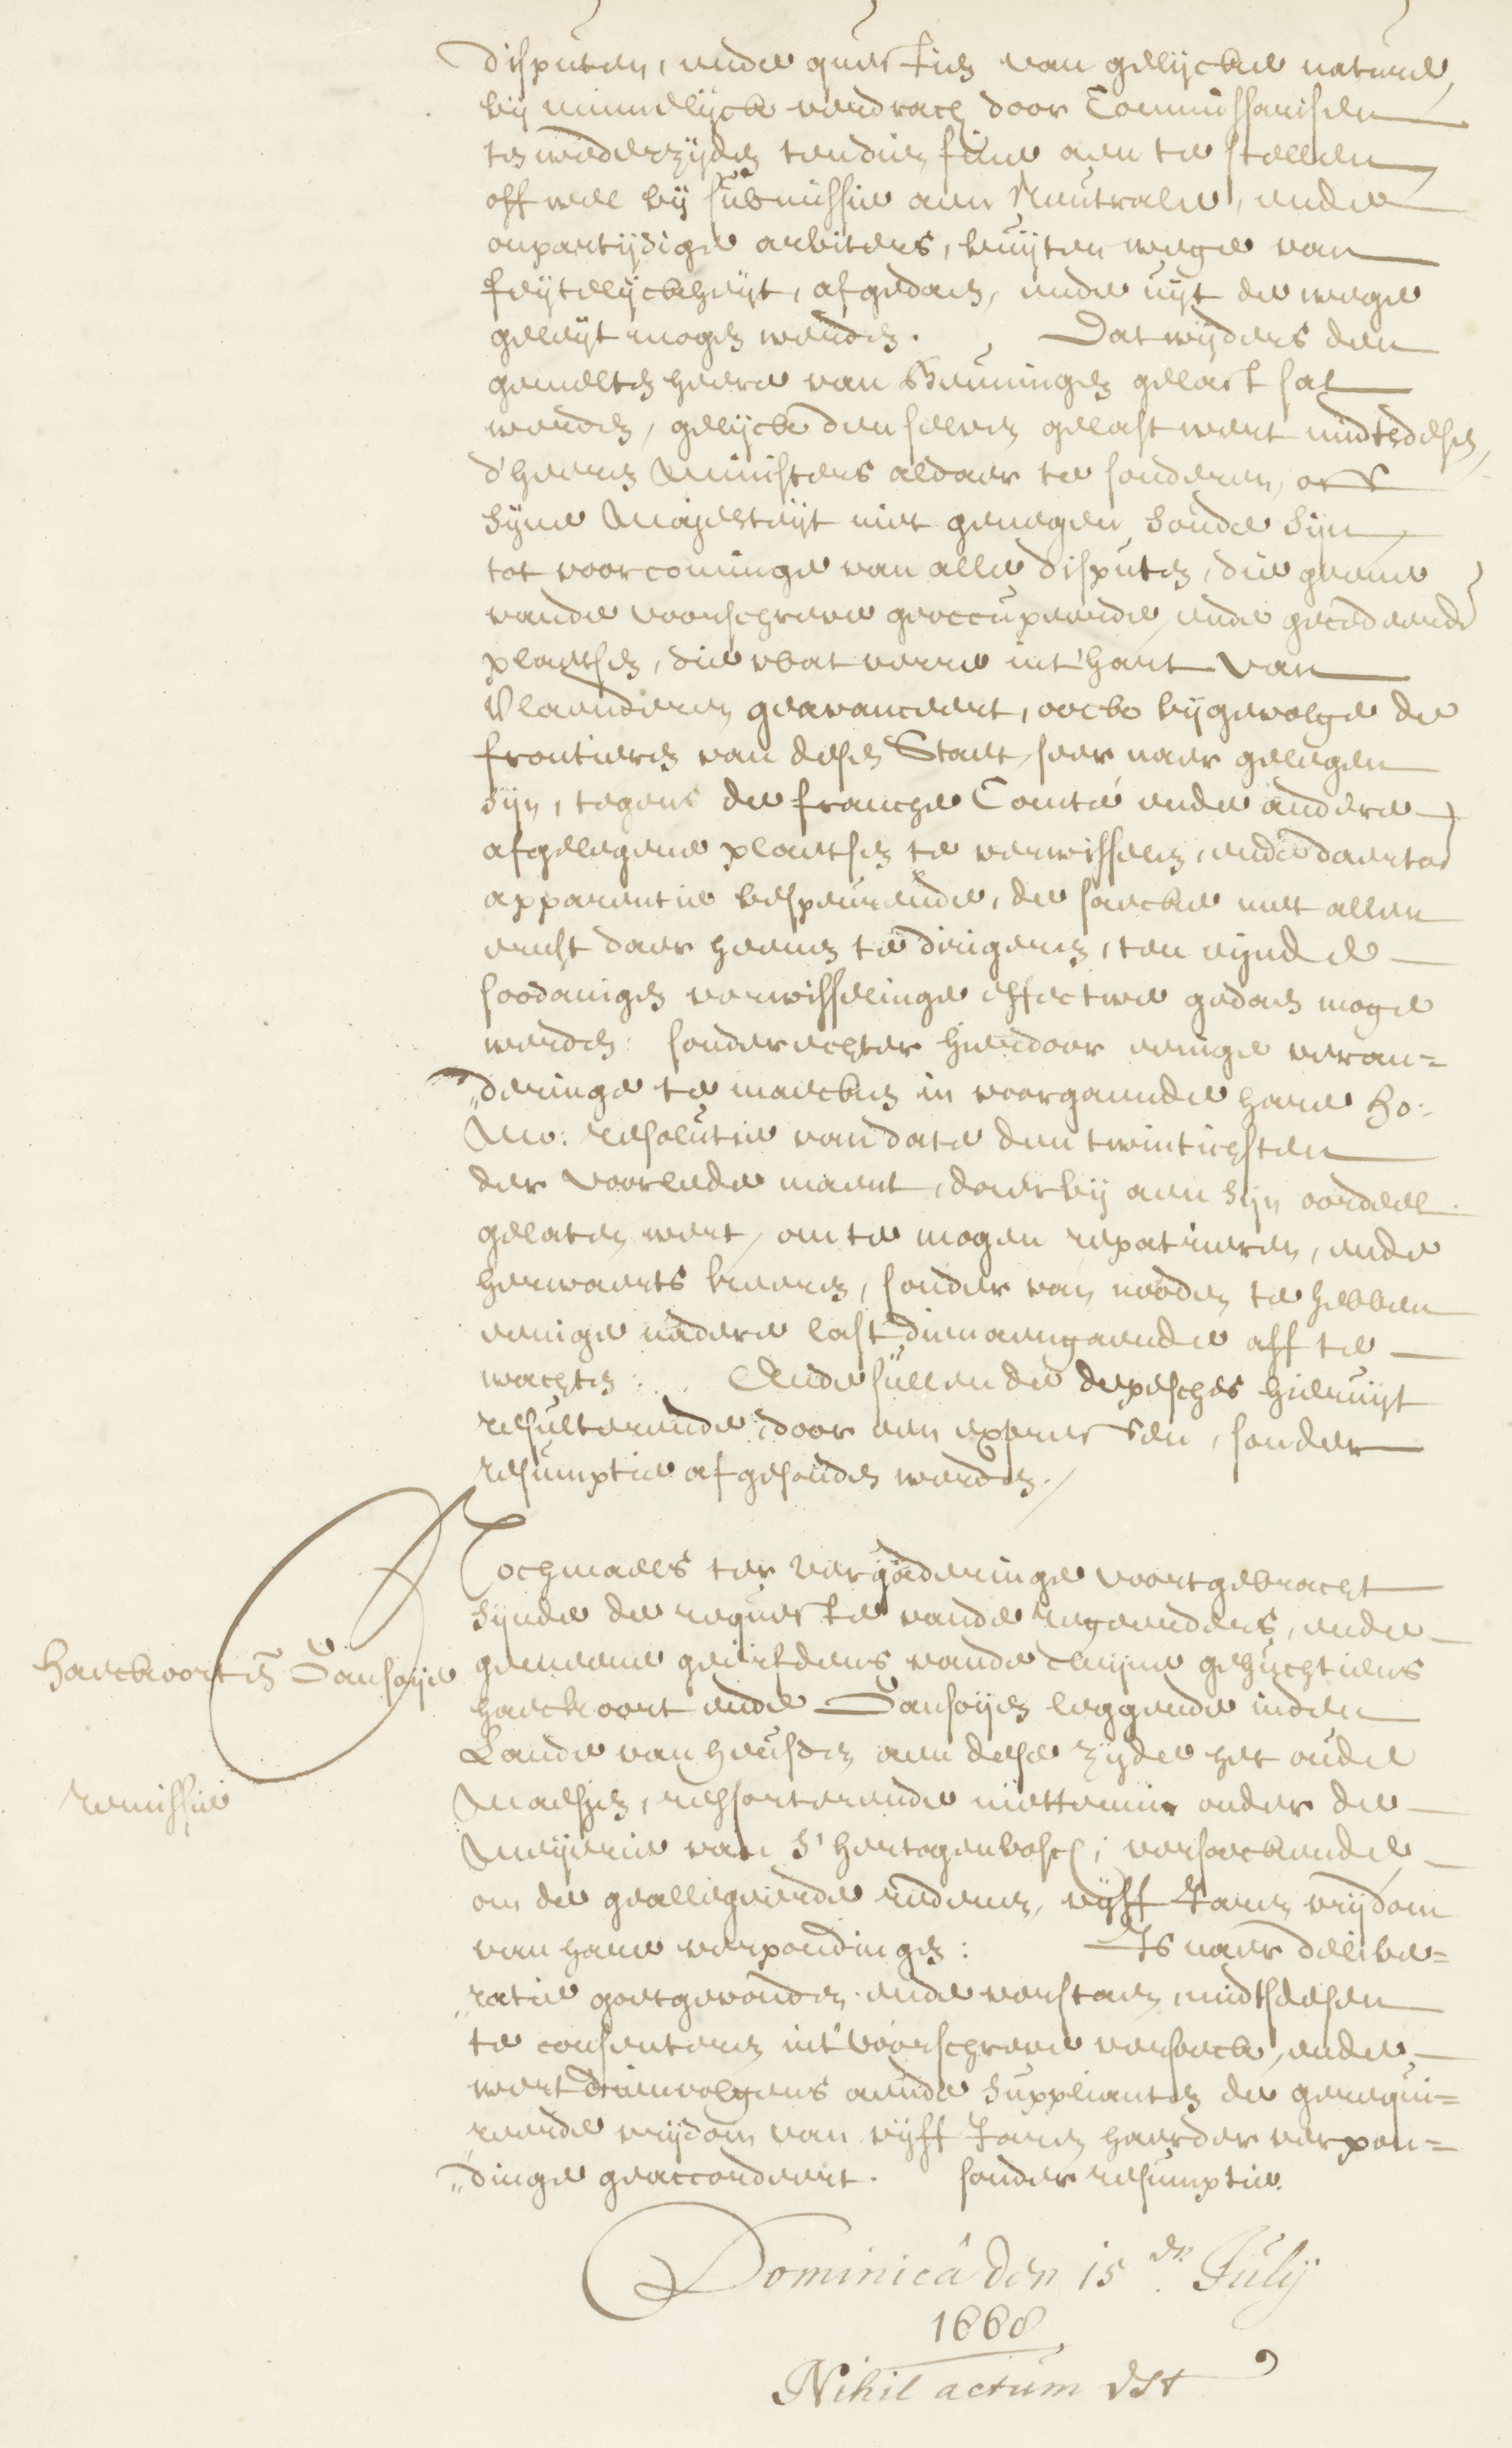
disputen, ende questien van gelijcke nature,
bij minnelijck verdrach door Commissarisen
ten wederzijden tendien fine aen te stellen,
off wel bij submissie aen Neutrale, ende
onpartijdige arbiters, buijten wege van
feijtelijckheijt, afgedaen, ende uijt de wege
geleijt mogen werden. Dat wijders den
gemelten heere van Beuningen gelast sal
werden, gelijck den selven gelast wert midtsdesen,
d'heeren Ministers aldaer te sonderen, off
Sijne Majesteijt niet genegen soude sijn,
tot voorcominge van alle disputen, die geene
vande voorschreve geoccupeerde, ende gecedeerde
plaetsen, die wat verre int' hart van
Vlaenderen geavanceert, oock bijgevolge de
frontieren van desen Staet, seer naer gelegen
sijn, tegens de franche Comté ende andere
afgelegene plaetsen te verwisselen, ende daertoe
apparentie bespeurende, de saecke met allen
ernst daer heenen te dirigeren, ten eijnde de
soodanigen verwisselinge effective gedaen moge
werden: sonder echter hierdoor eenige veran=
„deringe te maecken in voorgaende hare Ho:
Mo: resolutie van date den twintichsten
der voorlede maent, daerbij aen sijn oordeel
gelaten wert, om te mogen repatrieren, ende
herwaerts keeren, sonder van nooden te hebben
eenige nadere last dienaengaende aff te
wachten: Ende sullen de depesches hieruijt
resulterende, door een expressen, sonder
resumptie afgesonden werden.
Haeckoort en Gansoije
remissie
Nochmaels ter vergaderinge voortgebracht
sijnde de requeste vande regeerders, ende
gemeene geerfdens vande cleijne gehuchtiens
haeckoort ende Gansoijen leggende inden
Lande van heusden aen dese zijde het oude
maesjen, ressorterende niettennn onder de
Meijerie van s'hertogenbosch; versoeckende
om de geallegeerde redenen, vijff Jaren vrijdom
van hare verpondingen: Is naer delibe=
„ratie goetgevonden ende verstaen, midtsdesen
te consenteren int' voorschreve versoeck, ende
wert dienvolgens aende Supplianten de gerequi=
„reerde vrijdom van vijff Jaren haer der verpon=
„dinge geaccordeert. sonder resumptie.
Dominica den 15en. Julij
1668
Nihil actum est
